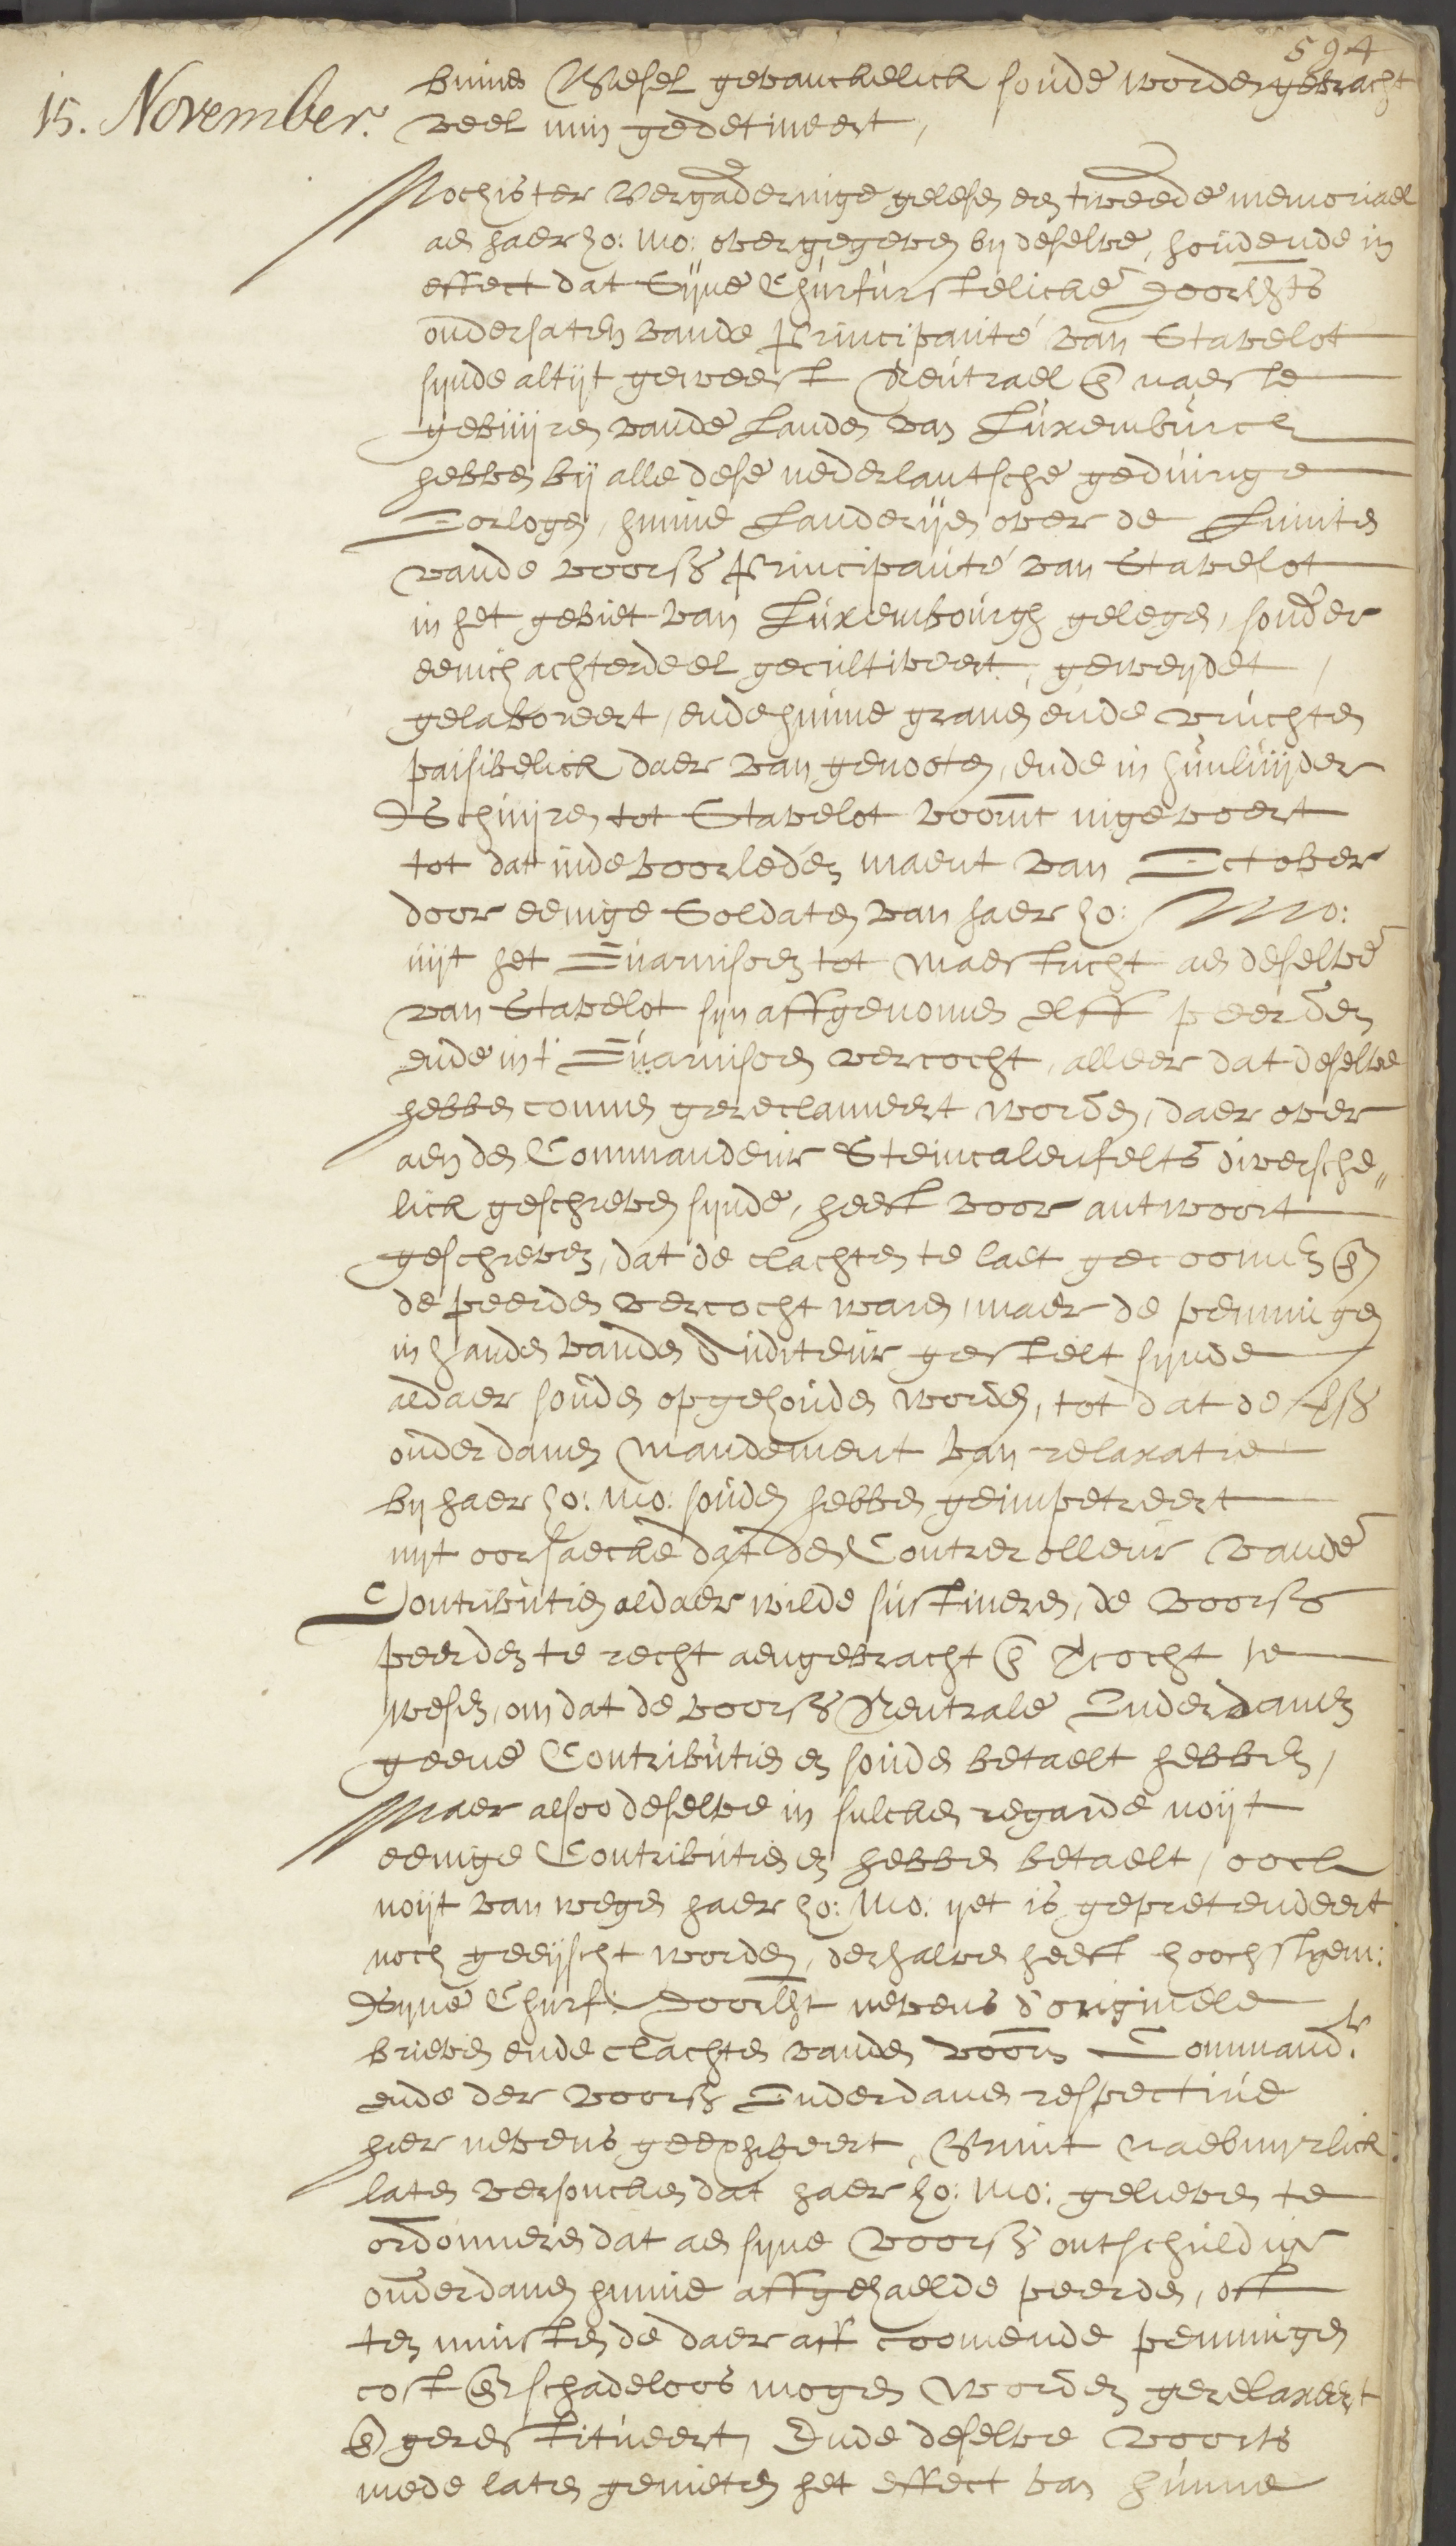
594.
15. November.
binnen Wesel gevankelick soude worden gebracht
veel min gedetineert.
Noch is ter Vergaderinge gelesen een tweede memoriael
aen haer ho:Mo: overgegeven bij deselve, houdende in
effect dat Sijne Churfurstelicke Doorlhts.
ondersaten vande Principauté van Stavelot
sijnde altijt geweest Neutrael & naeste
gebuijren vande Landen van Luxemburch
hebben bij alle dese nederlantsche geduirige
Oorlogen, hunne Landerijen over de Limiten
vande voorss Principauté van Stavelot
in het gebiet van Luxembourgh gelegen, sonder
eenich achterdeel gecultiveert, geweydet
gelaboreert ende hunne granen ende vruchten
paisibelick daer van genooten, ende in hunluijder
Schuijren tot Stavelot voornt ingevoert
tot dat inde voorleden maent van October
door eenige Soldaten van haer ho:Mo:
uijt het Guarnisoen tot maestricht aen deselve
van Stavelot sijn affgenomen elff peerden
ende in t‛ Guarnisoen vercocht, alleer dat deselve
hebben connen gereclameert worden, daer over
aen den Commandeur Steincalenfelts diversche„
lick geschreven sijnde, heeft voor antwoort
geschreven, dat de clachten te laet gecoomen &
de peerden vercocht waren, maer de penningen
in handen vanden Auditeur gestelt sijnde
aldaer souden opgehouden worden, tot dat de vss.
onderdanen mandement van relaxatie
bij haer ho:Mo: souden hebben geimpetreert
uyt oorsaecke dat de Contrerolleur vande
Contributien aldaer wilde sustineren, de voorss
peerden te recht aengebracht & vcocht te
wesen, om dat de voorss Neutrale Onderdanen
geene Contributien en souden betaelt hebben,
Maer alsoo deselve in sulcken regarde noijt
eenige Contributien en hebben betaelt, oock
noijt van wegen haer ho:Mo: yet is gepretendeert
noch geeijscht worden, derhalve heeft hoochstgem:
Sijne Churf: Doorlht. nevens d‛originele
brieven ende clachten vanden voors Commandr.
ende der voorss Onderdanen respectiue
hier nevens geexhibeert, vrunt naebuyrlick
laten versoucken dat haer ho:Mo: gelieven te
ordonneren dat aen sijne voorss ontschuldige
onderdanen hunne affgehaelde peerden, off
ten minsten de daer aff coomende penningen
cost & schadeloos mogen worden gerelaxeert
& gerestitueert, Ende deselve voorts
mede laten genieten het effect van hunne
